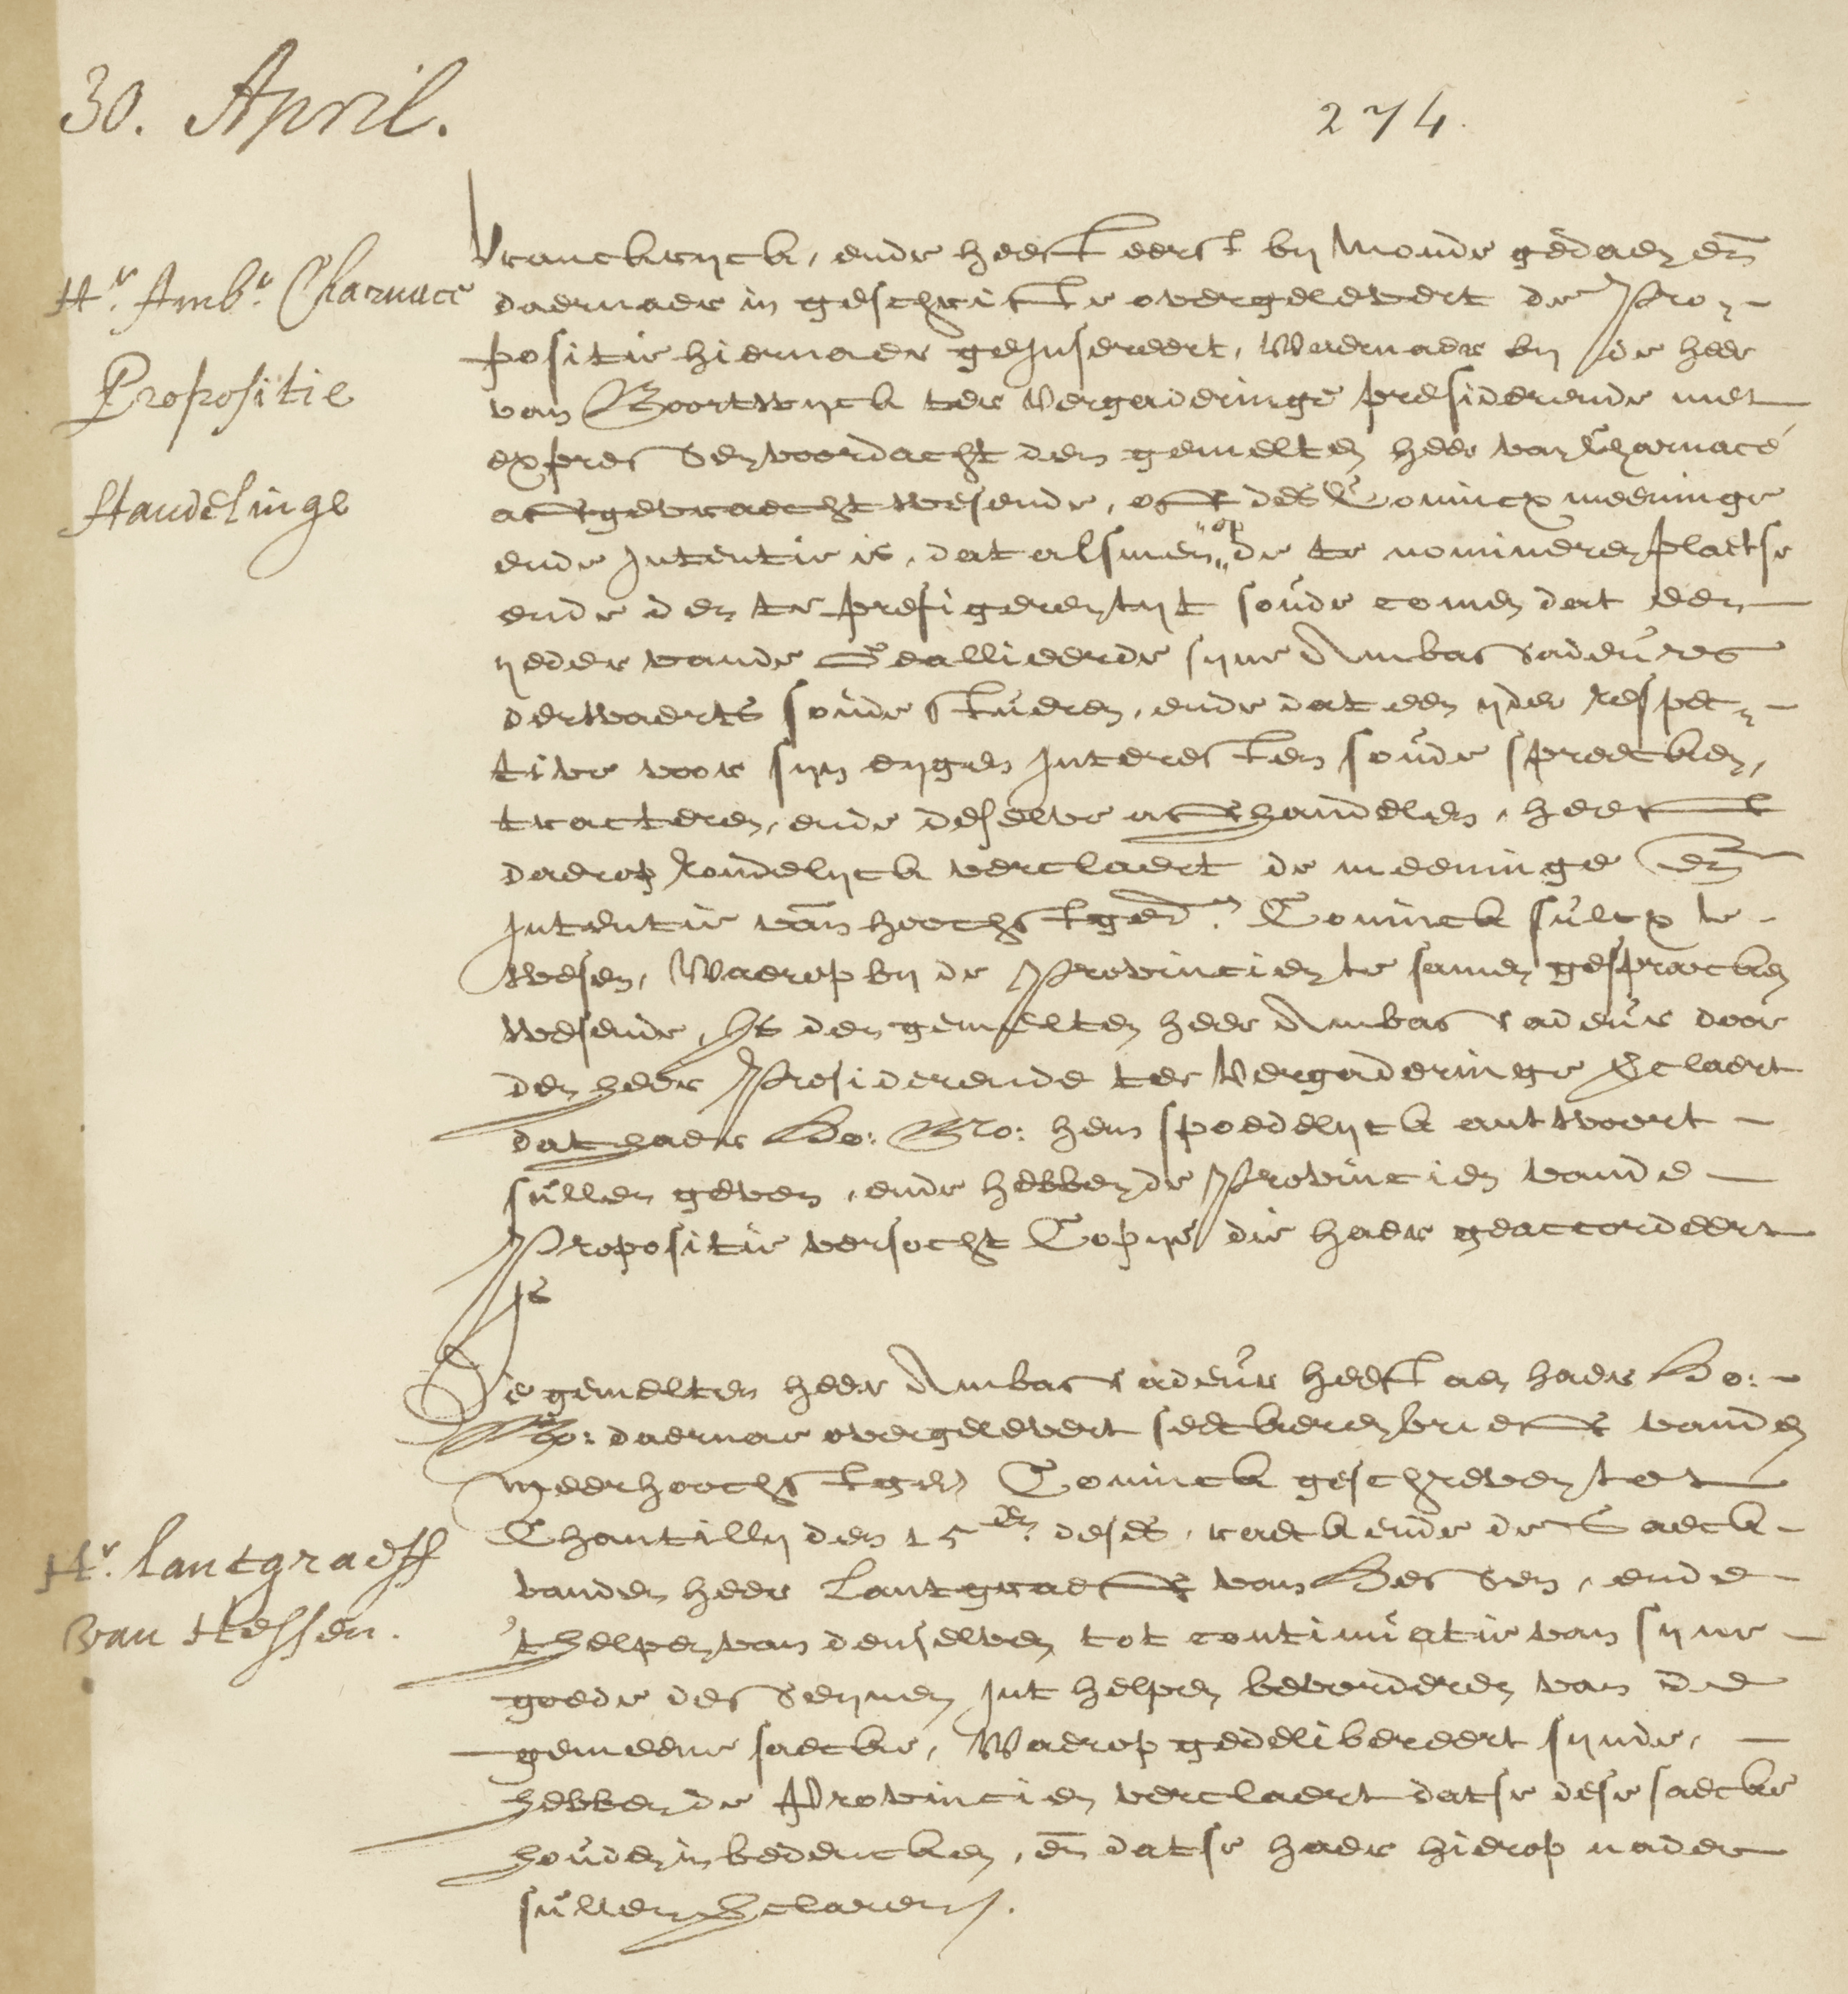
274
30 April
Hr Ambr Charnace
Propositie
Handelinge
Vranckryck, ende heeft eerst bij monde gedaen en
daernaer in geschrifte overgelevert de pro„
positie hiernaer geinsereert, waernaer bij de heer
van Noortwyck ter vergaderinge presiderende met
expressen voordacht den gemelten heer van Charnacé
affgevraecht wesende, off des Conincx meeninge
,,op
ende intentie is, dat alsmen ,, de te nomineren plaetse
ende den te prefigeren tyt soude comen dat een
yeder vande Geallieerde syne Ambassadeurs
derwaerts soude stueren, ende dat een yder respec„
tive voor syn eygen interesten soude spreecken,
tracteren, ende deselve affhandelen, heeft
daerop rondelyck verclaert de meeninge en
intentie van hoochstgeden Coninck sulcx te
wesen. Waerop bij de provincien te samen gesproocken
wesende, Is den gemelten heer Ambassadeur door
den heer presiderende ter vergaderinge verclaert
dat haer Ho:Mo: geen spoedelyck antwoort -
sullen geven, ende hebben de provincien vande -
propositie versocht copye die haer geaccordeert
Is.
Hr. Lantgraeff
van Hessen
De gemelten heer Ambassadeur heeft aen haer Ho:
Mo: daernae overgelevert seeckeren brieff vanden
meerhoochstged Coninck geschreven tot
Chantilly den 15en deses, raeckende de saeck
vanden heer Lantgraeff van Hessen, ende
't helpen van denselven tot continuatie van syne
goede desseynen int helpen bevorderen van de
gemeene saecke, waerop gedelibereert synde,
hebben de provincien verclaert datse dese saecke
zouden bedencken en datse haer hierop nader
sullen verclaren.
